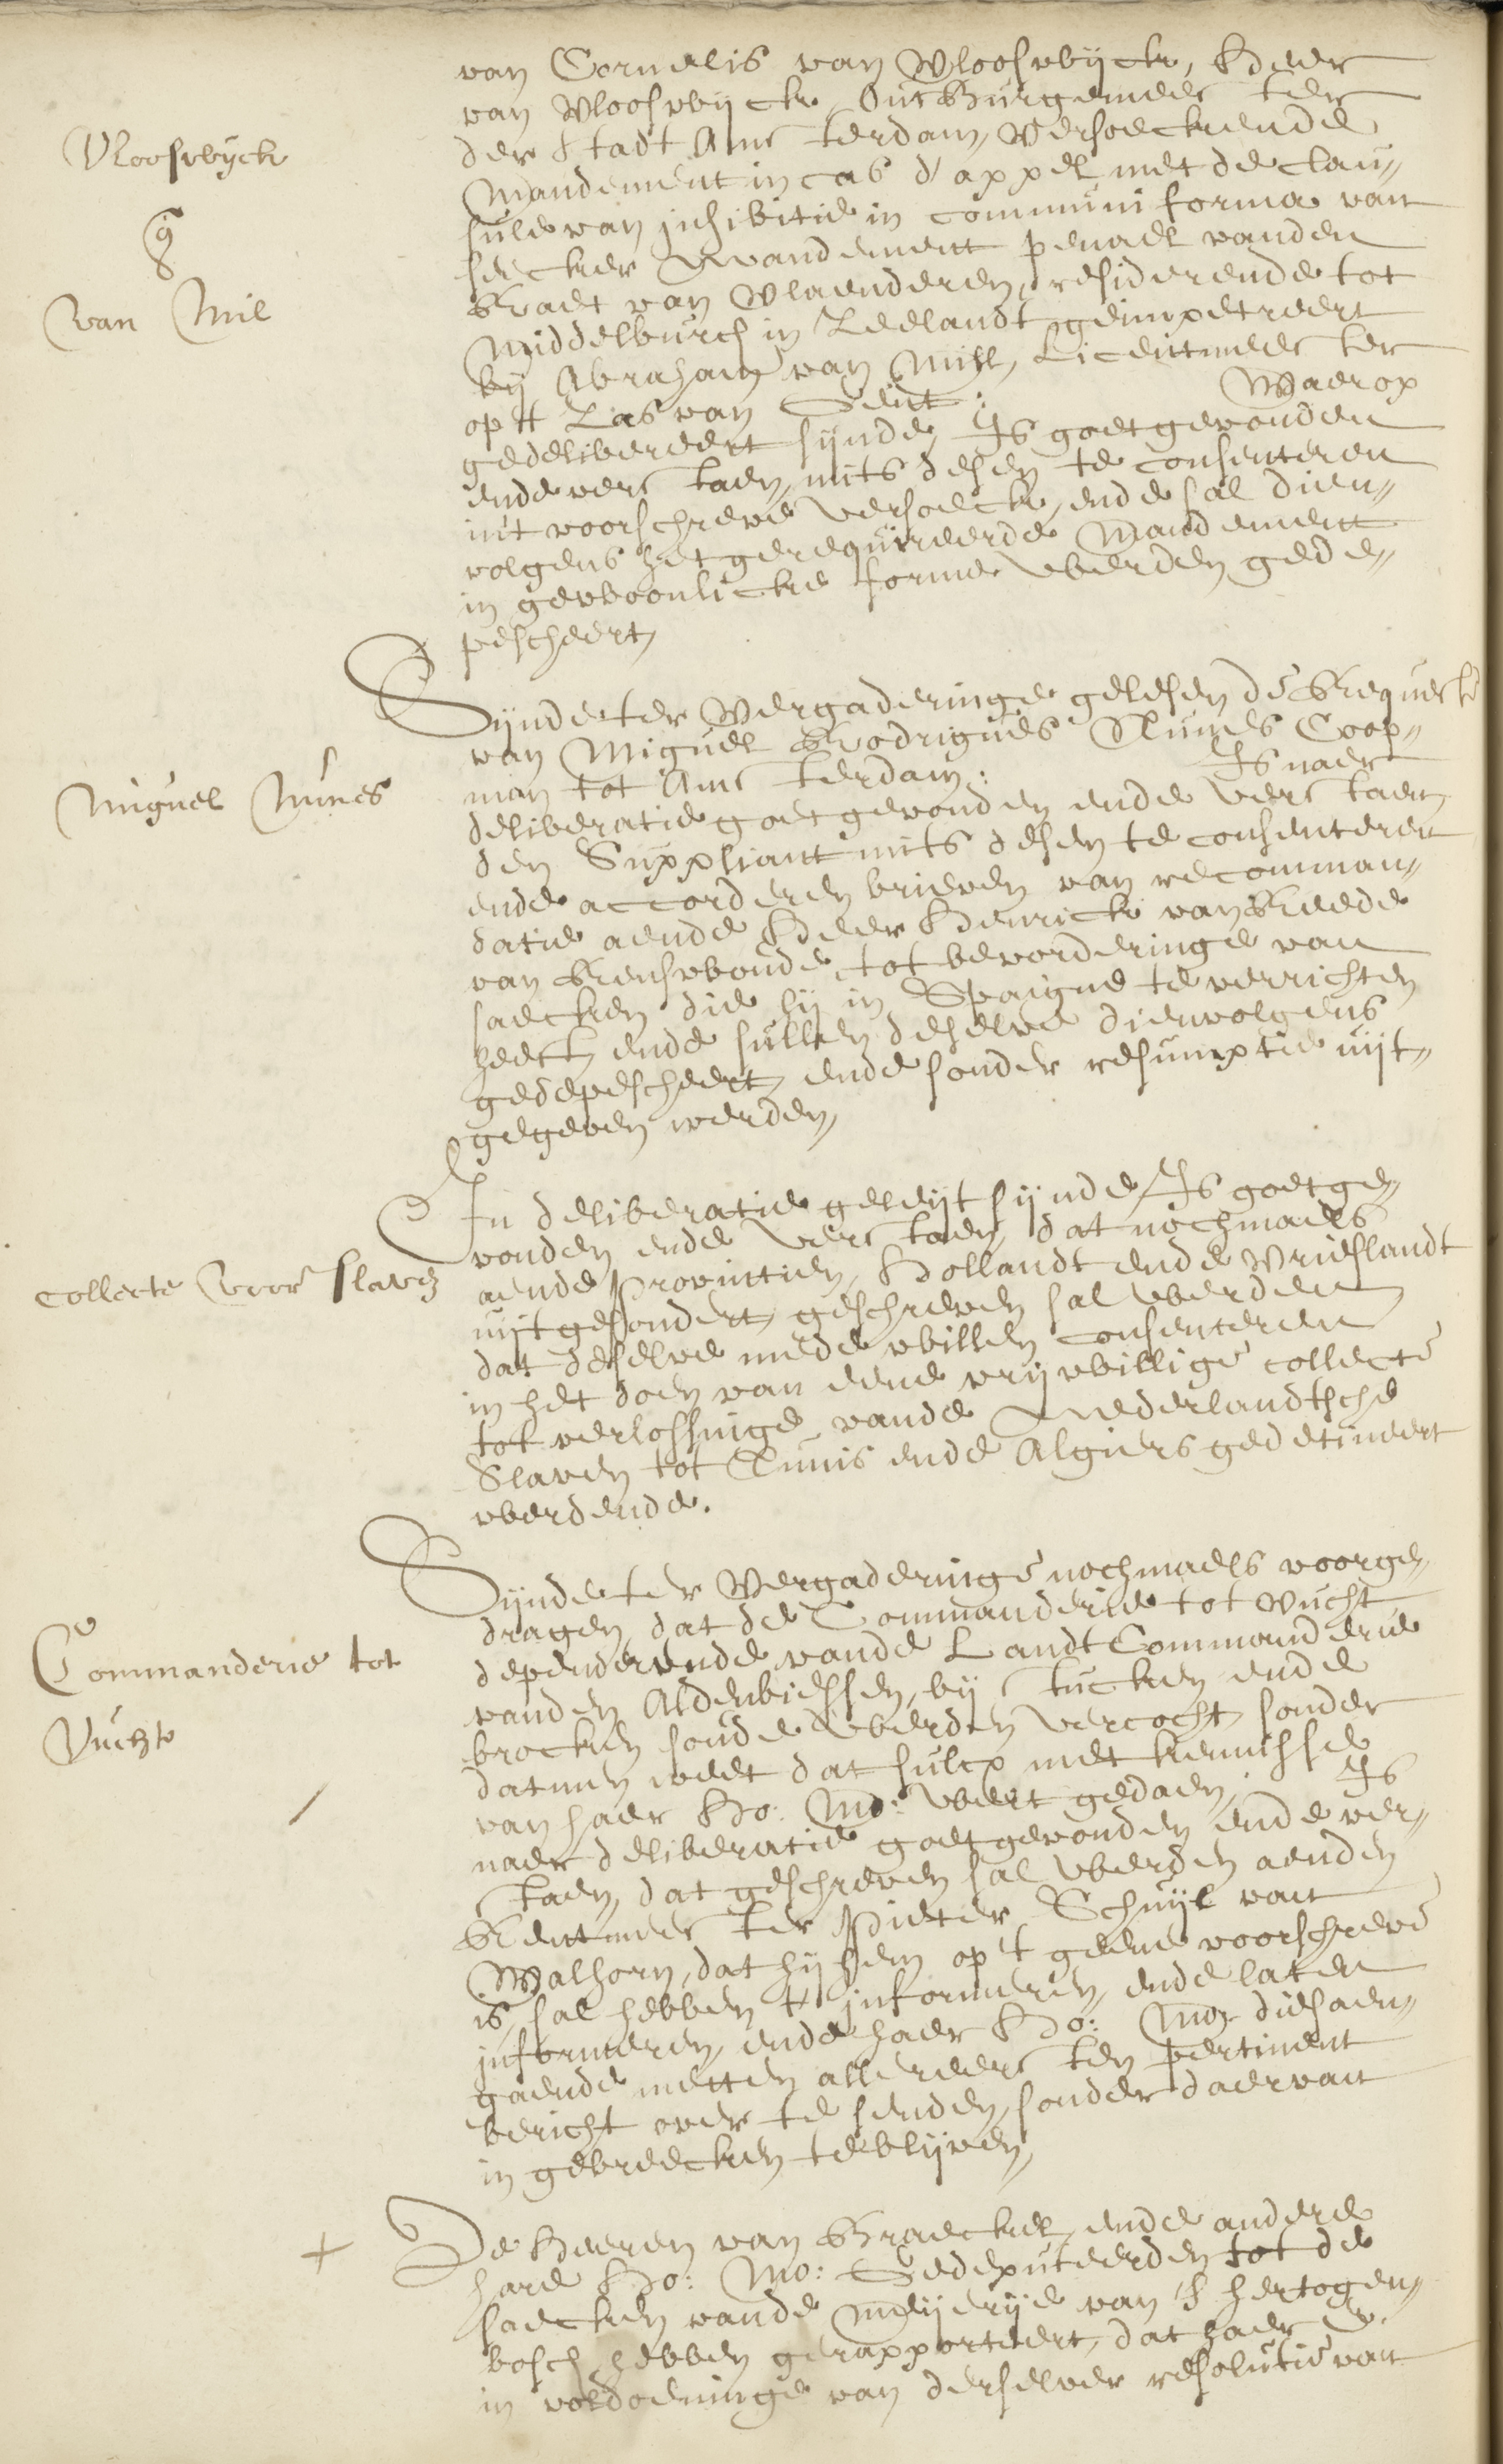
Vlooswijck
Ca
van Mil
van Cornelis van Vlooswijck, Heer
van Vlooswijck, Out Burgemeester
der Stadt Amsterdam, versoeckende
Mandemant in cas d'appel met de clau,,
sule van Inhibitie in communi forma van
seecker Mandement penael vanden
Raet van Vlaenderen, residerende tot
Middelburch in Zeelandt geimpetreert
bij Abraham van Mill, Licentmeester
op 't Zas van Gent: Waerop
gedelibereert sijnde; Is goetgevonden
ende verstaen, mits desen te consenteren
in't voorschreve versoeck, ende sal dien,,
volgens het gerequireerde Mandement
in gewoonlicke forme werden gede,,
pescheert.
Miguel Nunes
Sijnde ter Vergaderinge gelesen de Requeste
van Miguel Rodrigues Nunes Coop,,
man tot Amsterdam: Is naer
deliberatie goetgevonden ende verstaen
den Suppliant mits desen te consenteren
ende accorderen brieven van recomman,,
datie aende Heer Henrick van Reede
van Renswoude, tot bevorderinge van
saecken die hij in Spaigne te verrichten
heeft, ende sullen deselve dienvolgens
gedepescheert, ende sonder resumptie uijt,,
gegeven werden.
collecte voor slaven
In deliberatie geleijt sijnde Is goetge,,
vonden ende verstaen, dat nochmaels
aende provintien, Hollandt ende Vrieslandt
uijtgesondert, geschreven sal werden
dat deselve mede willen consenteren
in het doen van eene vrijwillige collecte
tot verlossinge vande Nederlandtsche
Slaven tot Tunis ende Algiers gedetineert
werdende.
Commanderie tot
Vuchte
Sijnde ter Vergaderinge nochmaels voorge,,
dragen, dat de Comanderie tot Vucht,
dependerende vande Landt Commanderie
vanden Aldenbiessen, bij stucken ende
brocken soude werden vercocht, sonder
dat men weet dat sulcx met kennisse
van haer Ho:Mo: wert gedaen; Is
naer deliberatie goetgevonden ende ver,,
staen, dat geschreven sal werden aenden
Rentmeester Pieter Schuijl van
Walhorn, dat hij hem op 't geene voorschreve
is, sal hebben t' informeren, ende laten
informeren, ende haer Ho:Mo: diesaen,,
gaende metten allereersten pertinent
bericht over te senden, sonder daervan
in gebreecken te blijven.
De heeren van Braeckel, ende andere
hare Ho:Mo: Gedeputeerden tot de
saecken vande meijerije van 's hertogen,,
bosch, hebben gerapporteert, dat haer E.
in voldoeninge van derselver resolutie van
